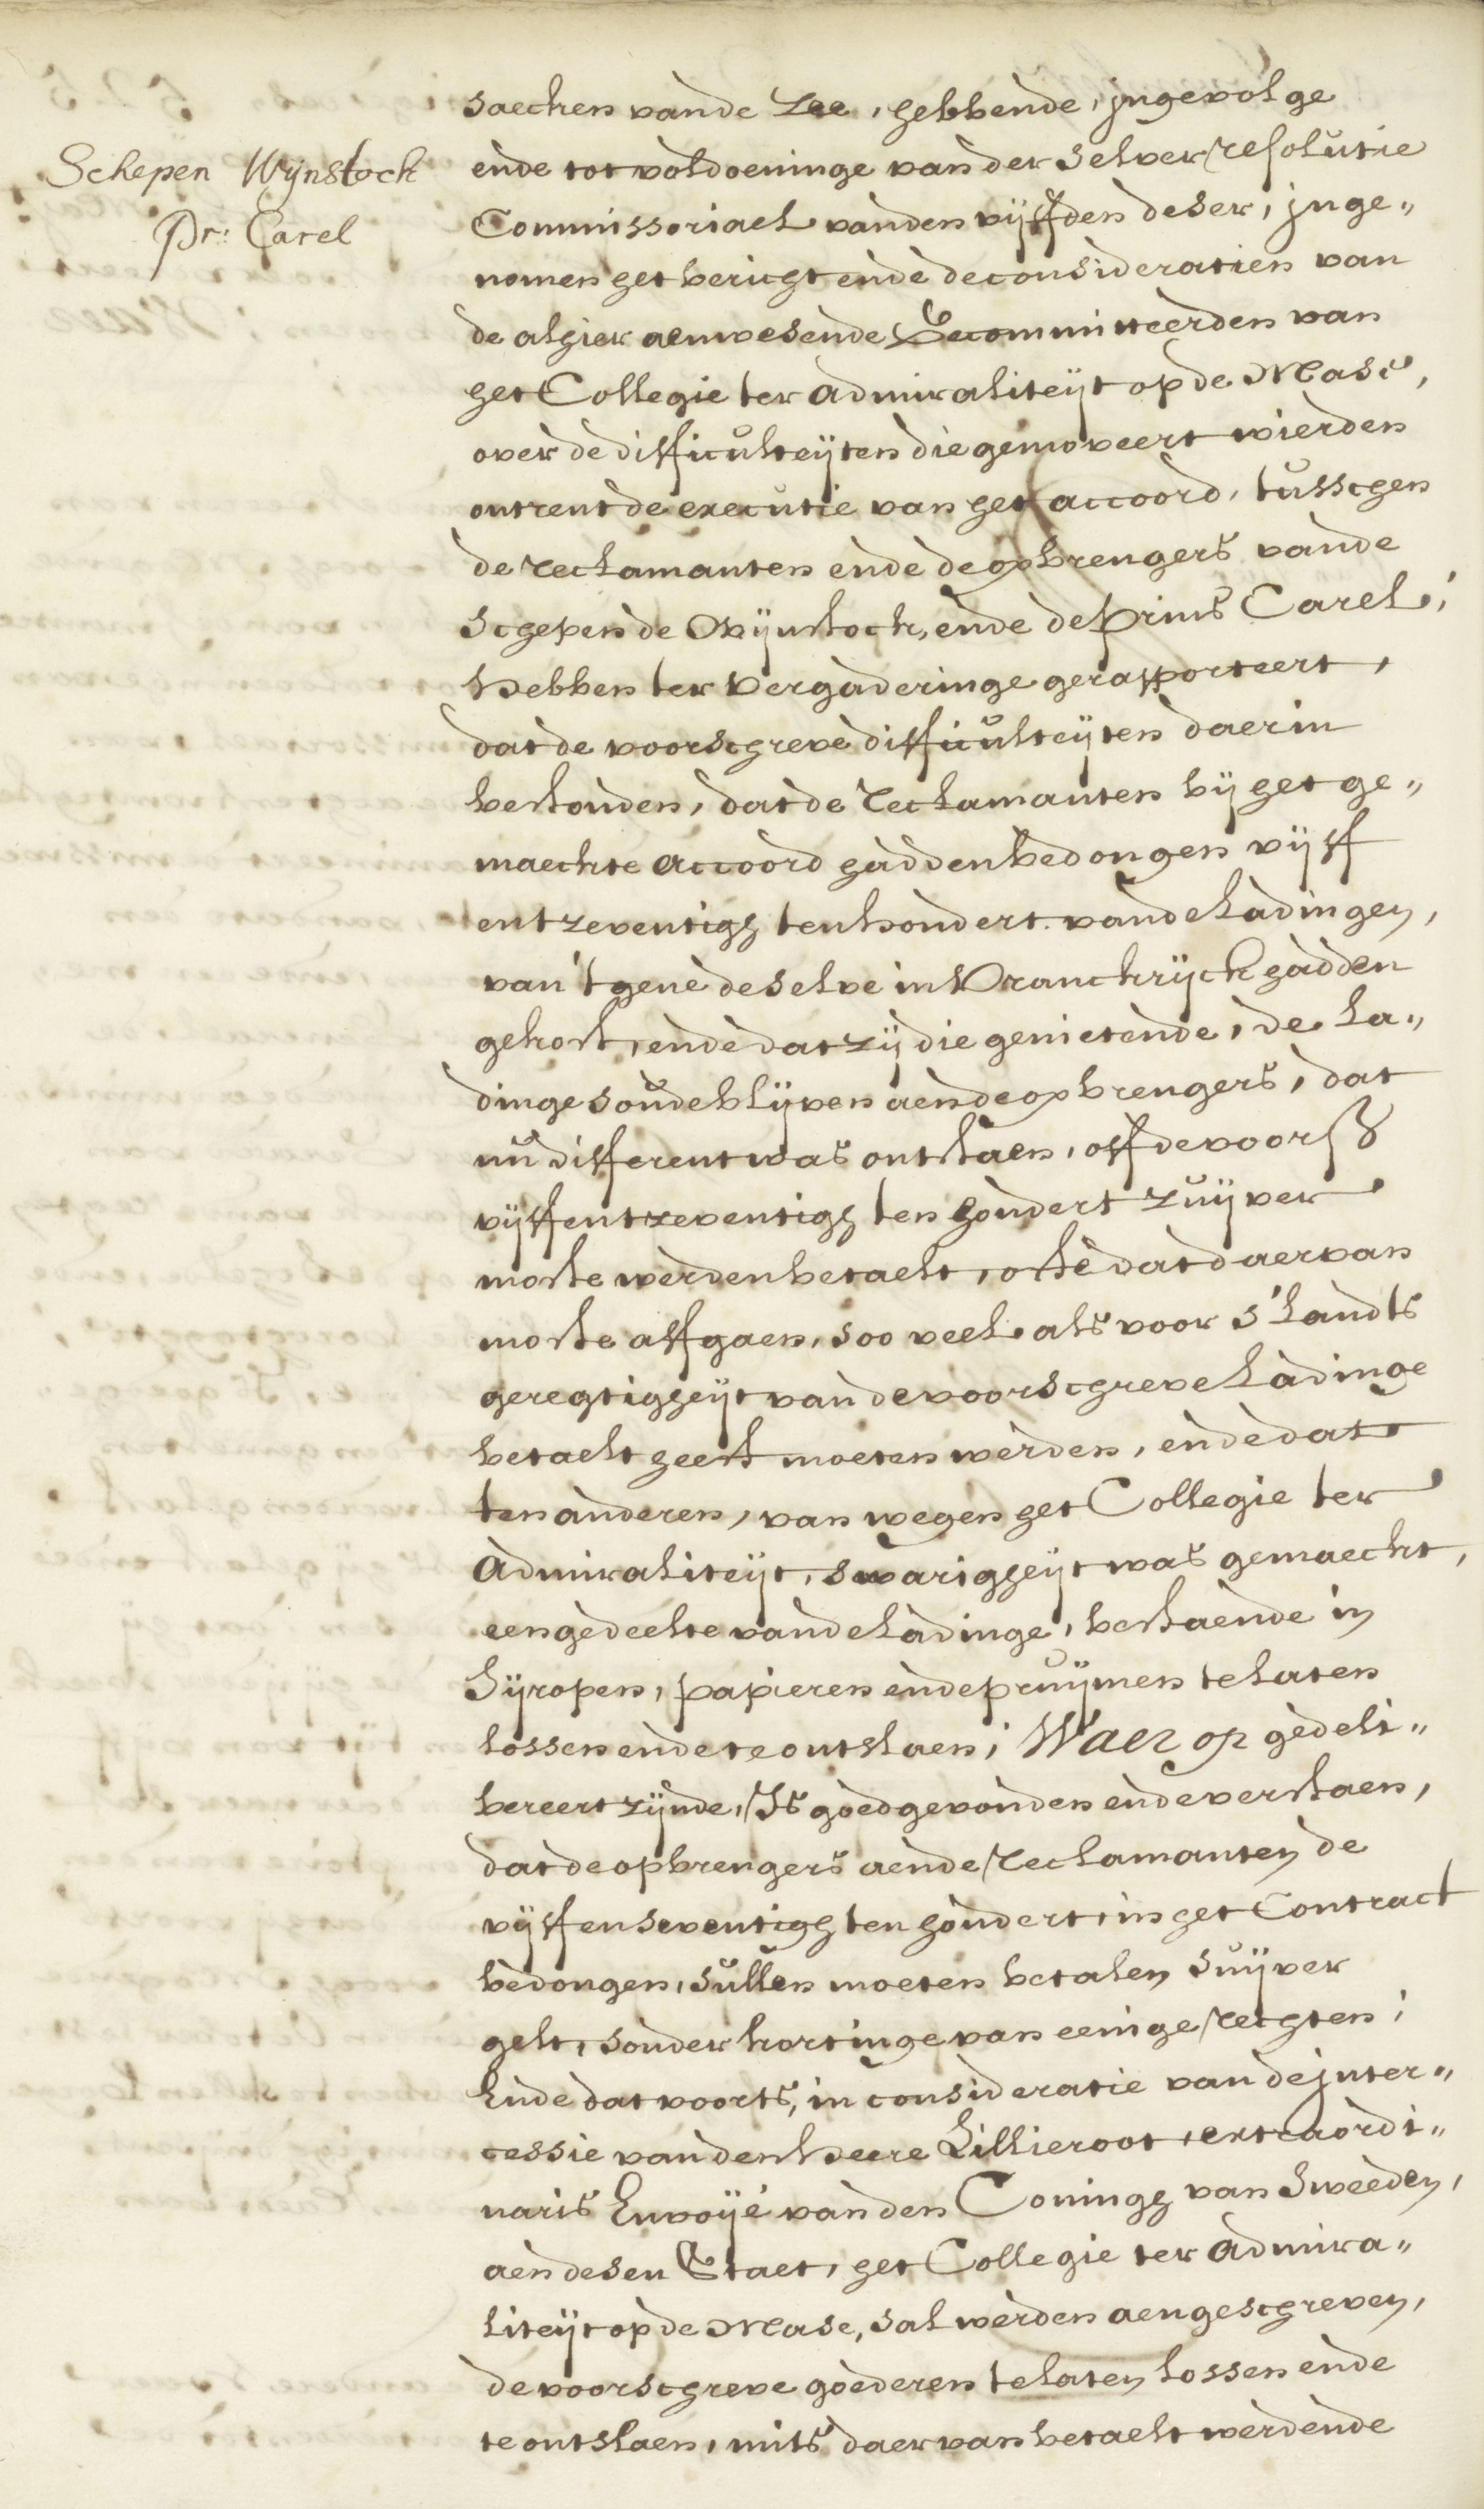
Schepen Wijnstock
Pr: Carel
saecken vande Zee, hebbende ingevolge
ende tot voldoeninge van der selver resolutie
Commissoriael vanden vijffden deser, inge„
nomen het bericht ende de consideratien van
de alhier aenwesende Gecommitteerden van
het Collegie ter admiraliteijt op de Mase
over de difficusteijten die gemoveert wierden
ontrent de executie van het accoord, tusschen
de reclamanten ende de opbrengers vande
schepen de Wijnstock, ende de prins Carel,
hebben ter vergaderinge gerapporteert,
dat de voorschreve difficulteijten daerin
bestonden, dat de reclamanten bij het ge„
maeckte accoord hadden bedongen vijff
sentzeventigh ten hondert vande ladingen,
van 't gene deselve in Vranckrijck hadden
gekost, ende dat zij die genietende, de la„
dinge soude blijven aende opbrengers, dat
nu different was ontstaen, off de voors
vijffentreventigh ten hondert zuijver
moste werden betaelt, ofte dat daervan
moste affgaen, soo veel als voor s'Landts
geregtigheijt van de voorschreve Ladinge
betaelt heeft moeten werden, ende dat
ten anderen, van wegen het Collegie ter
Admiraliteijt, swarigheijt was gemaeckt,
een gedeelte vande ladinge, bestaende in
Sijropen, papieren ende pruijmen te laten
lossen ende te ontslaen; Waer op gedeli„
bereert zijnde, Is goedgevonden ende verstaen,
dat de opbrengers aende reclamanten de
vijffenseventigh ten hondert, in het Contract
bedongen, sullen moeten betalen suijver
gelt, sonder kortinge van eenige rechten;
Ende dat voorts in consideratie van de inter„
cessie vanden heere Lillieroot, extraordi„
naris Envoijé van den Coningh van Sweeden,
aen desen Staet, het Collegie ter Admira„
liteijt opde Mase, sal werden aengeschreven,
de voorschreve goederen te laten lossen ende
te ontslaen, mits daer van betaelt werdende
